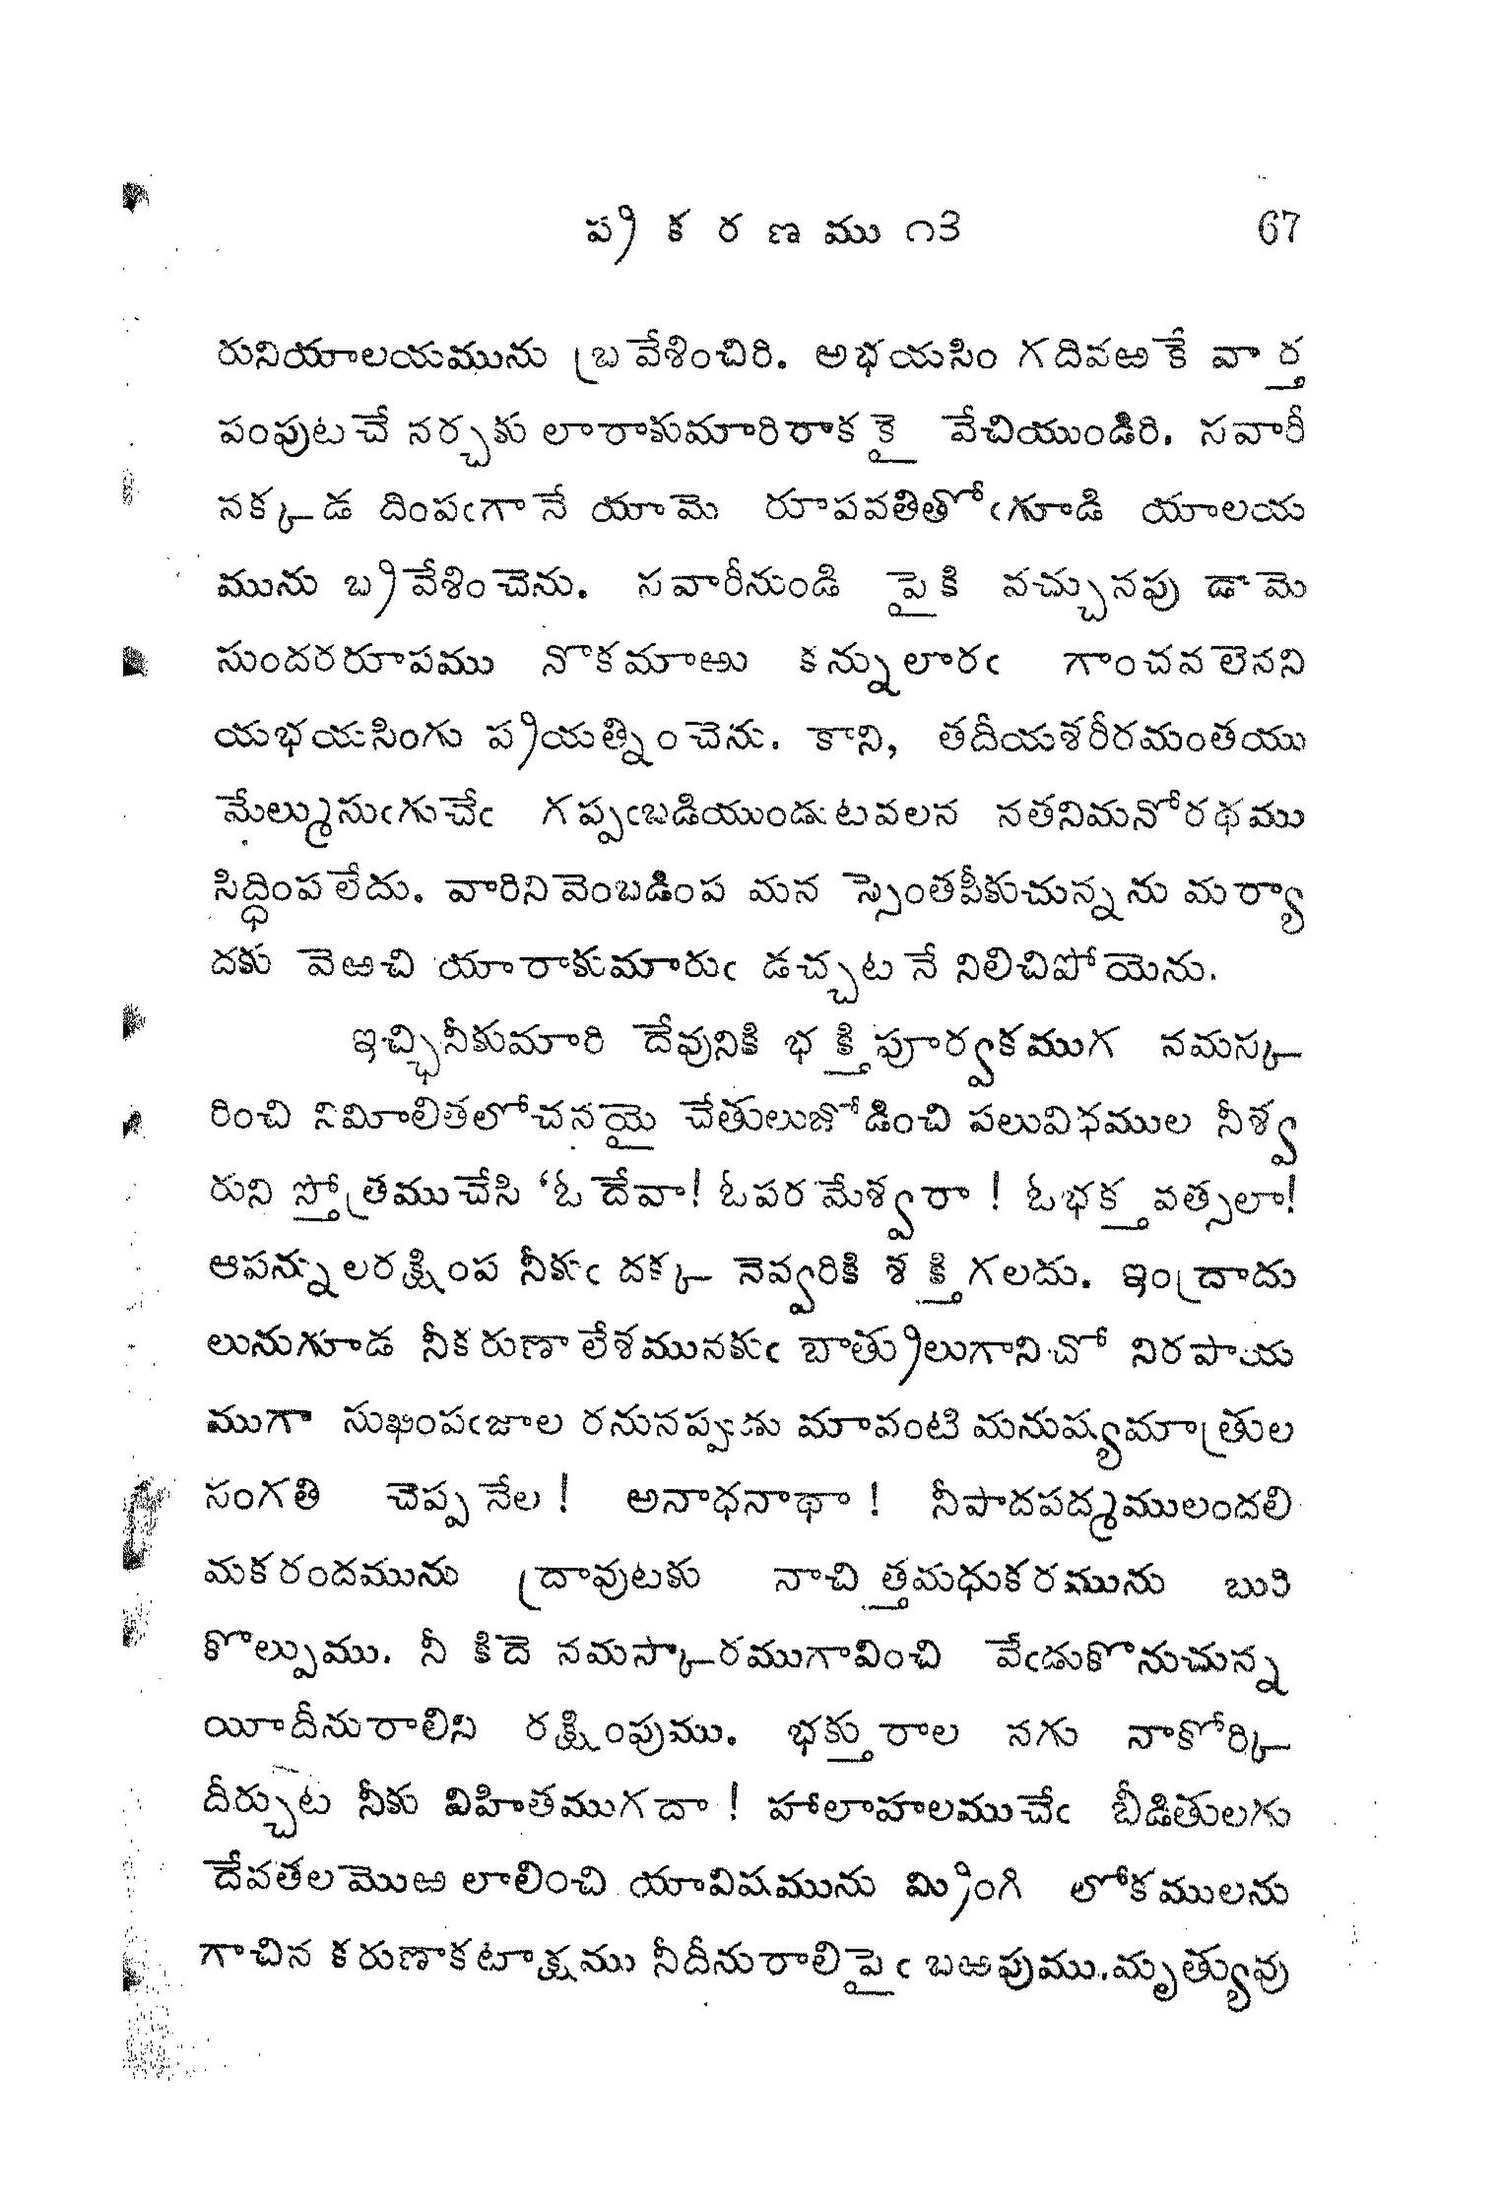రునియాలయమును బ్రవేశించిరి. అభయసిం గది వఱకే వా పంపుట చే నర్చకు లారాకుమారి రాక కై వేచియుండిరి. సవారీ నక్కడ దింపఁగా నే యామె రూపవతితోఁగూడి యాలయ మును బ్ర వేశించెను. సవారీ నుండి పైకి నచ్చునపు డా మె సుందర రూపము నొకమాఱు కన్ను లారఁ గాంచవ లెనని యభయసింగు ప్రయత్నించెను. కాని, తదీయశరీరమంతయు మేల్మునుఁగుచేఁ గప్పఁబడియుండ టవలన నతనిమనోరథము సిద్ధింప లేదు, వారిని వెంబడింప మన స్సెంత పీకుచున్నను మర్యా దకు వెఱచి 'యా రాకుమారుఁ డచ్చట నే నిలిచిపోయెను.

ఇచ్ఛినీకుమారి దేవునికి భక్తి పూర్వకముగ నమస్క- రించి నిమీలితలోచనయై చేతులు జోడించి పలువిధముల నీశ్వ రుని స్తోత్రము చేసి “ఓ దేవా! ఓపర మేశ్వరా ! ఓ భక్త వత్సలా! ఆపన్న లరక్షింప నీకుఁ దక్క నెవ్వరికి శక్తి గలదు, ఇంద్రాదు లునుగూడ నీకరుణా లేశమునకుఁ బాత్రులుగాని చో నిరపాయ ముగా సుఖంపఁజాల రనునప్పుడు మావంటి మనుష్య మాత్రుల సంగతి చెప్ప నేల ! అనాధనాథా ! నీ పాదపద్మములందలి మకరందమును ద్రావుటకు నాచిత్తమధుకరమును బురి కొల్పుము. నీ కిదె నమస్కారముగావించి వేఁడుకొనుచున్న యీదీనురాలిని రక్షింపుము. భక్తు రాల నగు నాకోర్కి దీర్చుట నీకు విహితముగదా ! హాలాహలము చేఁ బీడితులగు దేవతల మొఱ లాలించి యావిషమును మింగి లోకములను గాచిన కరుణాకటాక్షము నీదీనురాలి పై బఱుపుము.మృత్యువు